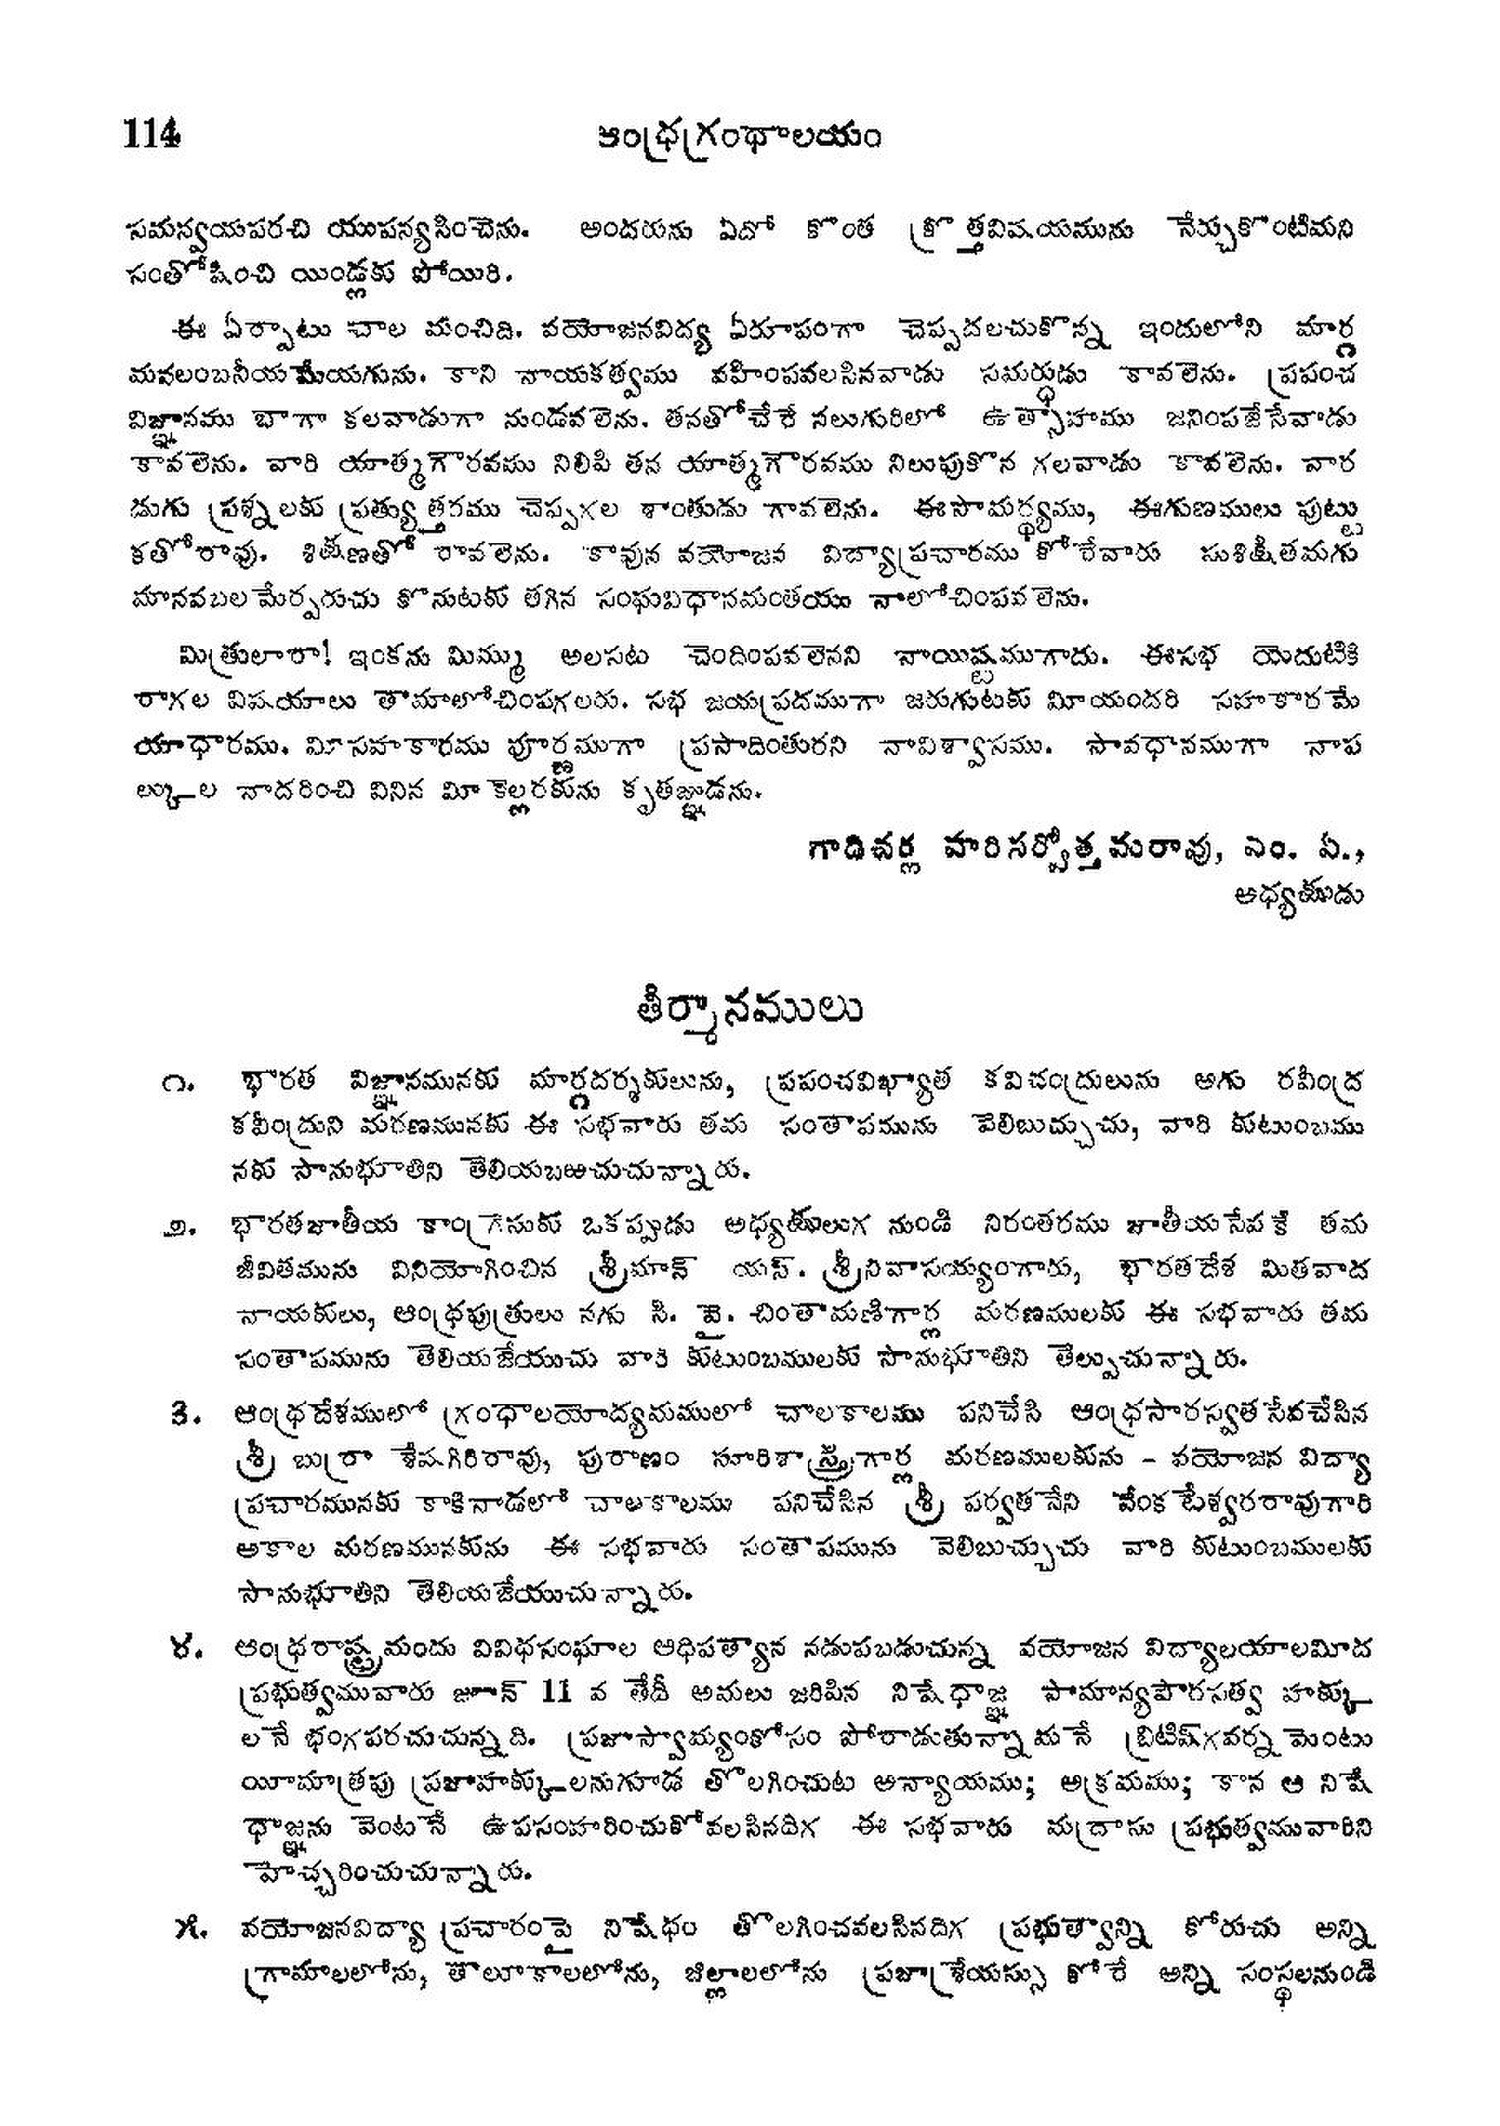సమన్వయపరచి యుపన్యసించెను. అందరును ఏదో కొంత క్రొత్తవిషయమును నేర్చుకొంటిమని సంతోషించి యిండ్లకు పోయిరి.

ఈ ఏర్పాటు చాల మంచిది. వయోజనవిద్య ఏరూపంగా చెప్పదలచుకొన్న ఇందులోని మార్గమవలంబనీయమేయగును. కాని 
నాయకత్వము వహింపవలసినవాడు సమర్ధుడు కావలెను. ప్రపంచ విజ్ఞానము భాగా కలవాడుగా నుండవలెను. తనతో చేరే 
నలుగురిలో ఉత్సాహము జనింపజేసేవాడు కావలెను. వారి యాత్మగౌరవము నిలిపి తన యాత్మగౌరవము నిలుపుకొన గలవాడు 
కావలెను. నారడుగు ప్రశ్నలకు ప్రత్యుత్తరము చెప్పగల శాంతుడు గావలెను. ఈ సామర్థ్యము, ఈగుణములు పుట్టుకతోరావు, 
శిక్షణతో రావలెను. కావున వయోజన విద్యాప్రచారము కోరేవారు సుశిక్షితమగు మానవబలమేర్పరుచు కొనుటకు తగిన 
సంఘవిధానమంతయు నాలోచింపవలెను.

మిత్రులారా! ఇంకను మిమ్ము అలసట చెందింపవలెనని నాయిష్టముగాదు. ఈసభ యెదుటికి రాగల విషయాలు 
తామాలోచింపగలరు. సభ జయప్రదముగా జరుగుటకు మీయందరి సహకారమే యాధారము. మీసహకారము పూర్ణముగా 
ప్రసాదింతురని నావిశ్వాసము. సావధానముగా నా పల్కుల నాదరించి వినిన మీ కెల్లరకును కృతజ్ఞుడను.

౧. భారత విజ్ఞానమునకు మార్గదర్శకులును, ప్రపంచ విఖ్యాత కవిచంద్రులును అగు రవీంద్రకవీంద్రుని మరణమునకు ఈ సభవారు తమ సంతాపమును వెలిబుచ్చుచు, వారి కుటుంబమునకు సానుభూతిని తెలియబఱచుచున్నారు.

౨. భారతజాతీయ కాంగ్రెసుకు ఒకప్పుడు అధ్యక్షులుగ నుండి నిరంతరము జాతీయసేవకే తమ జీవితమును వినియోగించిన శ్రీమాన్ యస్.శ్రీనివాసయ్యంగారు, భారతదేశ మితవాద నాయకులు, ఆంధ్రపుత్రులు నగు సి.వై.చింతామణిగార్ల మరణములకు ఈ సభవారు తమ సంతాపమును తెలియజేయుచు వారి కుటుంబములకు సానుభూతిని తెల్పుచున్నారు.

౩. ఆంధ్రదేశములో గ్రంధాలయోద్యమములో చాల కాలము పనిచేసి ఆంధ్రసారస్వత సేవ చేసిన శ్రీ బుర్రా శేషగిరిరావు, పురాణం సూరి శాస్త్రి గార్ల మరణములకును - వయోజన విద్యాప్రచారమునకు కాకినాడలో చాల కాలము పనిచేసిన శ్రీ పర్వతనేని వేంకటేశ్వరరావుగారి అకాల మరణమునకును ఈ సభవారు సంతాపమును వెలిబుచ్చుచు వారి కుటుంబములకు సానుభూతిని తెలియజేయుచున్నారు.

౪. ఆంధ్రరాష్ట్రమందు వివిధ సంఘాల ఆధిపత్యాన నడుపబడుచున్న వయోజన విద్యాలయాలమీద ప్రభుత్వమువారు జూన్ 11 వ తేదీ అమలు జరిపిన నిషేధాజ్ఞ సామాన్య పౌరసత్వ హక్కులనే భంగపరచుచున్నది. ప్రజాస్వామ్యం కోసం పోరాడుతున్నామనే బ్రిటిష్ గవర్నమెంటు యీమాత్రపు ప్రజాహక్కులనుగూడ తొలగించుట అన్యాయము; అక్రమము; కానీ ఆ నిషేధౌజ్లను వెంటనే ఉపసంహరించుకోవలసినదిగ ఈ సభవారు మద్రాసు ప్రభుత్వము వారిని హెచ్చరించుచున్నారు.

౫. వయోజన విద్యా ప్రచారంపై నిషేధం తొలగించవలసినదిగా ప్రభుత్వాన్ని కోరుచు అన్ని గ్రామాలలోను, తాలూకాలలోను, జిల్లాలలోను ప్రజాశ్రేయస్సు కోరే అన్ని సంస్థలనుండి